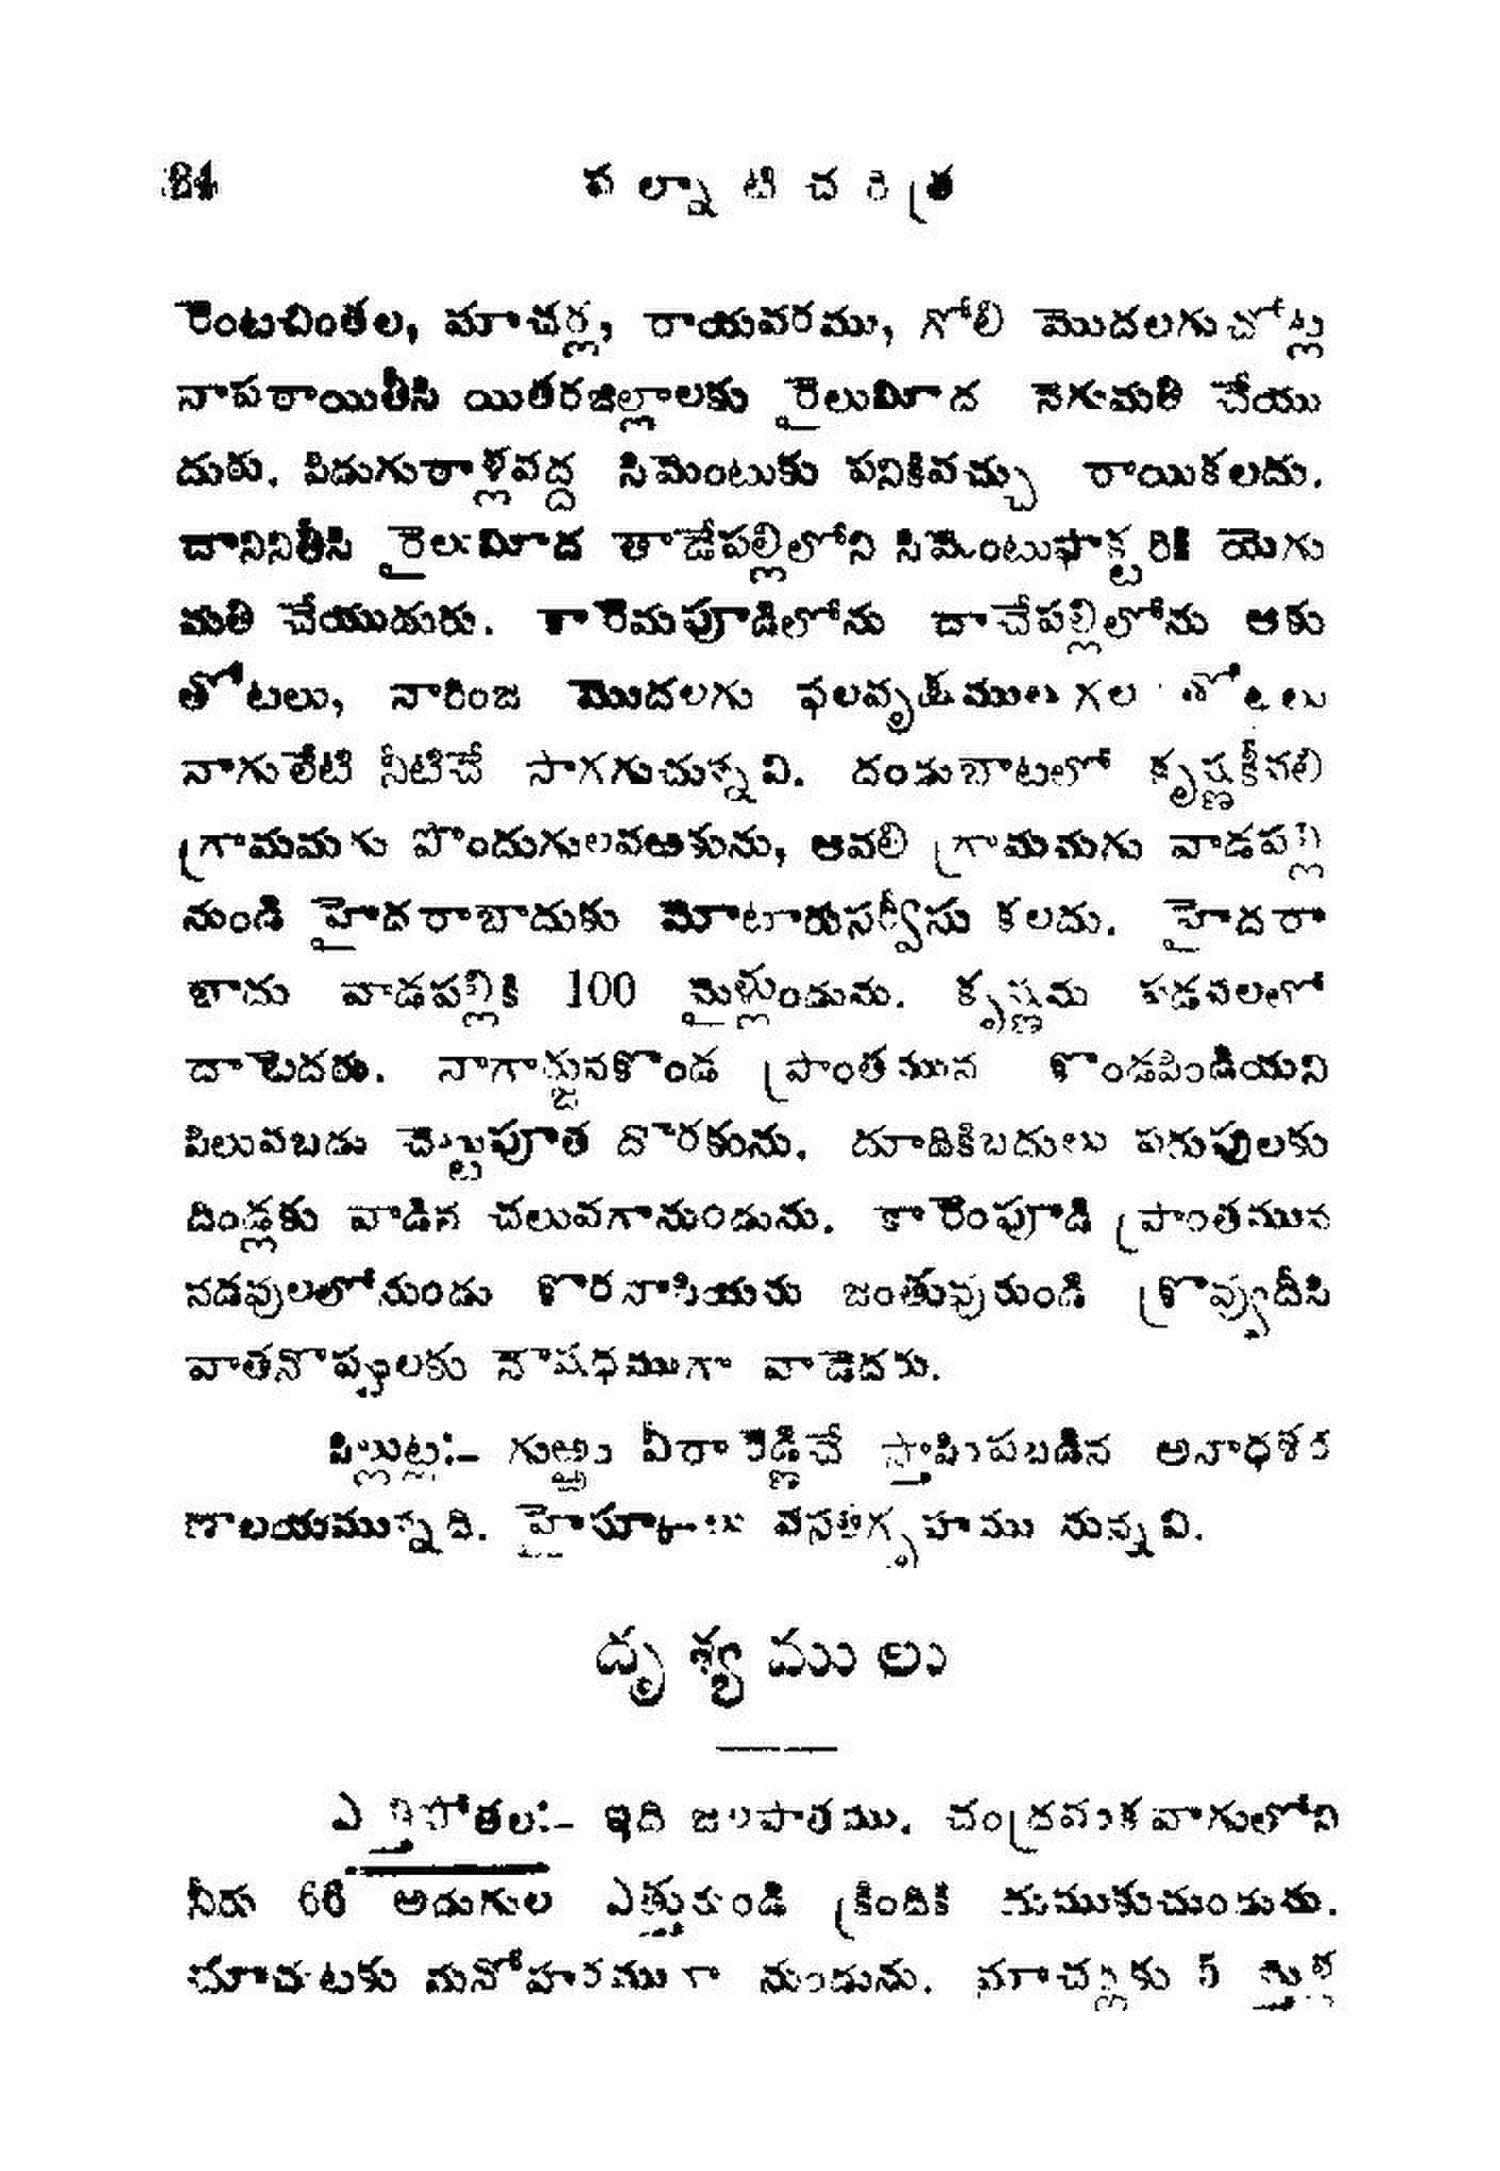రెంటచింతల, మాచర్ల, రాయవరము, గోలి మొదలగుచోట్ల
నాపరాయితీసి యితర జిల్లాలకు రైలుమీద నెగుమతి చేయుదురు. 
పిడుగురాళ్ల వద్ద సిమెంటుకు పనికివచ్చు రాయికలదు.
దానిని తీసి రైలు మీద తాడేపల్లిలోని సిమెంటుఫాక్టరి యెగుమతి 
చేయుదురు. కారెమపూడిలోను దాచేపల్లిలోను ఆకుతోటలు, 
నారింజ మొదలగు ఫలవృక్షములు గల తోటలు 
నాగులేటి నీటిచే సాగగుచున్నవి. దండుబాటలో కృష్ణకీవలిగ్రామమగు 
పొందుగుల వఱకును, ఆవలి గ్రామమగు వాడపల్లి
నుండి హైదరాబాదుకు మోటారు సర్వీసు కలదు. హైదరా
బాదు వాడపల్లికి 100 మైళ్లుండును. కృష్ణను పడవలలో
దాటెదరు. నాగార్జునకొండ ప్రాంతమున కొండపిండియని
పిలువబడు చెట్టుపూత దొరకును. దూదికి బదులు పరుపులకు
దిండ్లకు వాడిన చలువగానుండును. కారెంపూడి ప్రాంతమున
నడవులలో నుండు కొరనాసియను జంతువునుండి క్రొవ్వుదీసి
వాతనొప్పులకు నౌషధముగా వాడెదరు.

పిల్లుట్ల:- గుఱ్ఱం వీరారెడ్డిచే స్తాపింపబడిన అనాధశరణాలయ
మున్నది. హైస్కూలు వసతి గృహము నున్నవి.

ఎత్తిపోతల:- ఇది జలపాతము, చంద్రవంక వాగులోని
నీరు 66 అడుగుల ఎత్తునుండి క్రిందికి దుముకుచుండును .
చూచుటకు మనోహరముగా నుండును. మాచర్లకు 5 మైళ్ళ